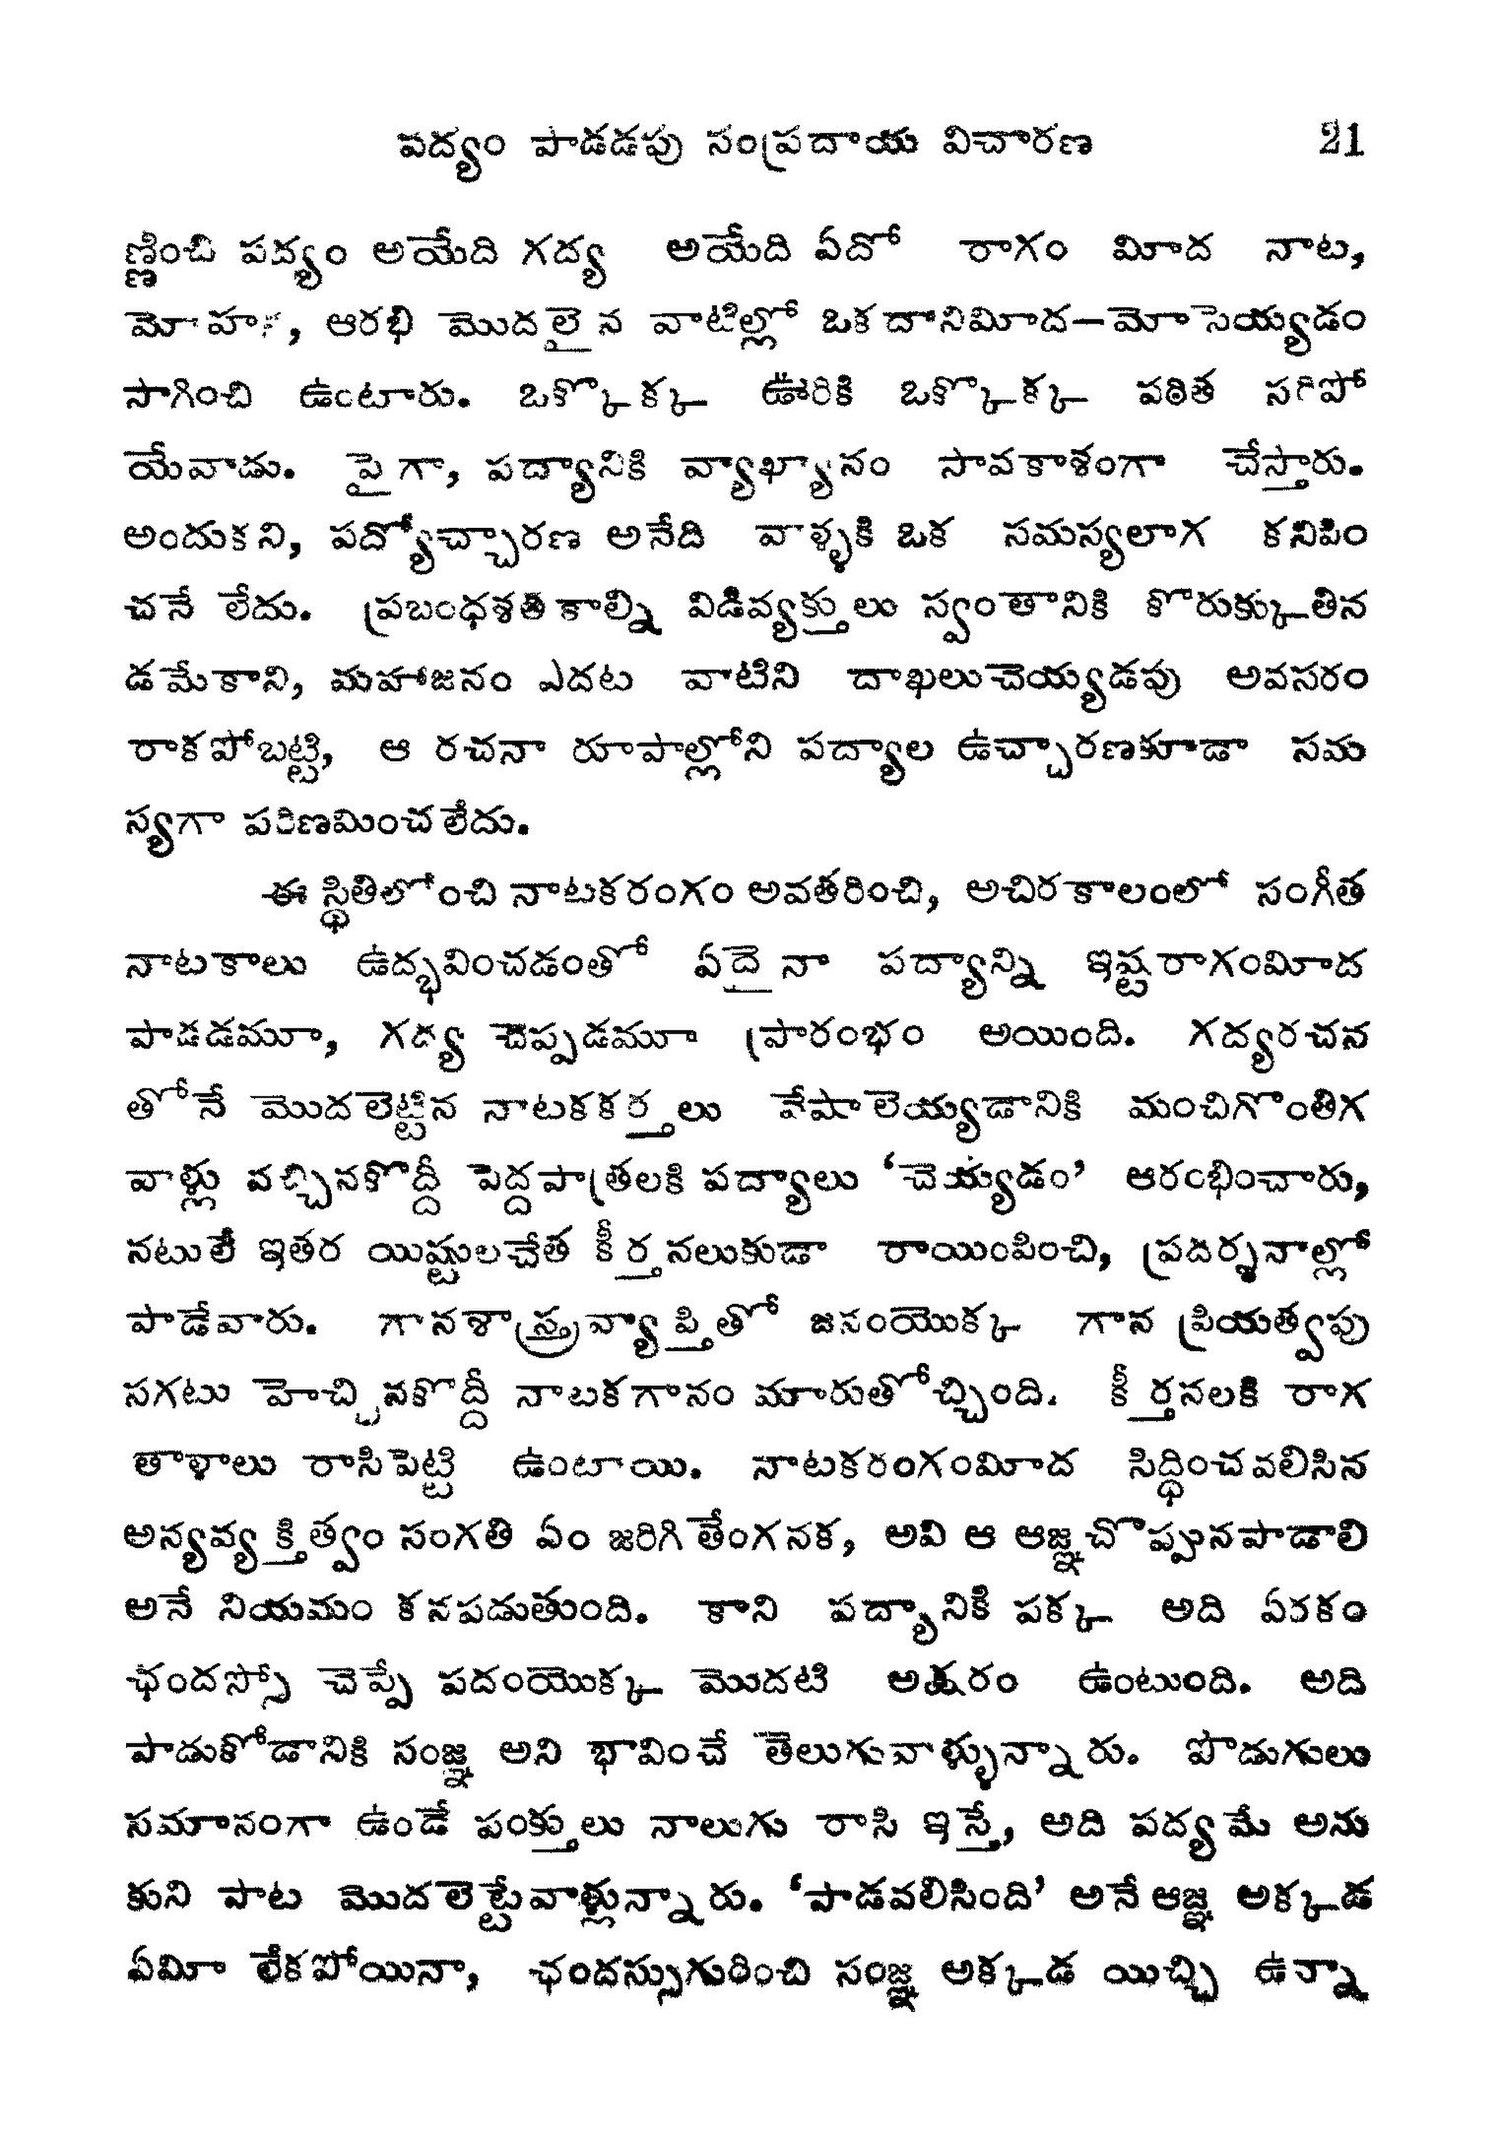ణ్ణించి పద్యం అయేది గద్య అయేది ఏదో రాగం మీద నాట,
మోహం, ఆరభి మొదలైన వాటిల్లో ఒక దానిమీద—మోసెయ్యడం
సాగించి ఉంటారు. ఒక్కొక్క ఊరికి ఒక్కొక్క పఠిత సరిపో
యేవాడు. పైగా, పద్యానికి వ్యాఖ్యానం సావకాశంగా చేస్తారు.
అందుకని, పద్యోచ్చారణ అనేది వాళ్ళకి ఒక సమస్యలాగ కనిపిం
చనే లేదు. ప్రబంధశతకాల్ని విడివ్యక్తులు స్వంతానికి కొరుక్కుతిన
డమేకాని, మహాజనం ఎదట వాటిని దాఖలుచెయ్యడవు అవసరం
రాకపోబట్టి, ఆ రచనా రూపాల్లోని పద్యాల ఉచ్చారణకూడా సమ
స్యగా పరిణమించలేదు.

ఈస్థితిలోంచి నాటకరంగం అవతరించి, అచిరకాలంలో సంగీత
నాటకాలు ఉద్భవించడంతో ఏదైనా పద్యాన్ని ఇష్ట రాగంమీద
పాడడమూ, గద్య చెప్పడమూ ప్రారంభం అయింది. గద్యరచన
తోనే మొదలెట్టిన నాటకకర్తలు వేషాలెయ్యడానికి మంచిగొంతిగ
వాళ్లు వచ్చినకొద్దీ పెద్దపాత్రలకి పద్యాలు 'చెయ్యడం' ఆరంభించారు,
నటులే ఇతర యిష్టులచేత కీర్తనలుకుడా రాయింపించి, ప్రదర్శనాల్లో
పాడేవారు. గానశాస్త్రవ్యాప్తితో జనంయొక్క గాన ప్రియత్వపు
సగటు హెచ్చినకొద్దీ నాటకగానం మారుతోచ్చింది. కీర్తనలకి రాగ
తాళాలు రాసిపెట్టి ఉంటాయి. నాటకరంగంమీద సిద్ధించవలిసిన
అన్యవ్యక్తిత్వం సంగతి ఏం జరిగితేంగనక, అవి ఆ ఆజ్ఞ చొప్పునపాడాలి
అనే నియమం కనపడుతుంది. కాని పద్యానికి పక్క అది ఏరకం
ఛందస్సో చెప్పే పదంయొక్క మొదటి అక్షరం ఉంటుంది. అది
పాడుకోడానికి సంజ్ఞ అని భావించే తెలుగువాళ్ళున్నారు. పొడుగులు
సమానంగా ఉండే పంక్తులు నాలుగు రాసి ఇస్తే, అది పద్యమే అను
కుని పాట మొదలెట్టేవాళ్లున్నారు. 'పాడవలిసింది' అనే ఆజ్ఞ అక్కడ
ఏమి లేకపోయినా, ఛందస్సుగురించి సంజ్ఞ అక్కడ యిచ్చి ఉన్నా